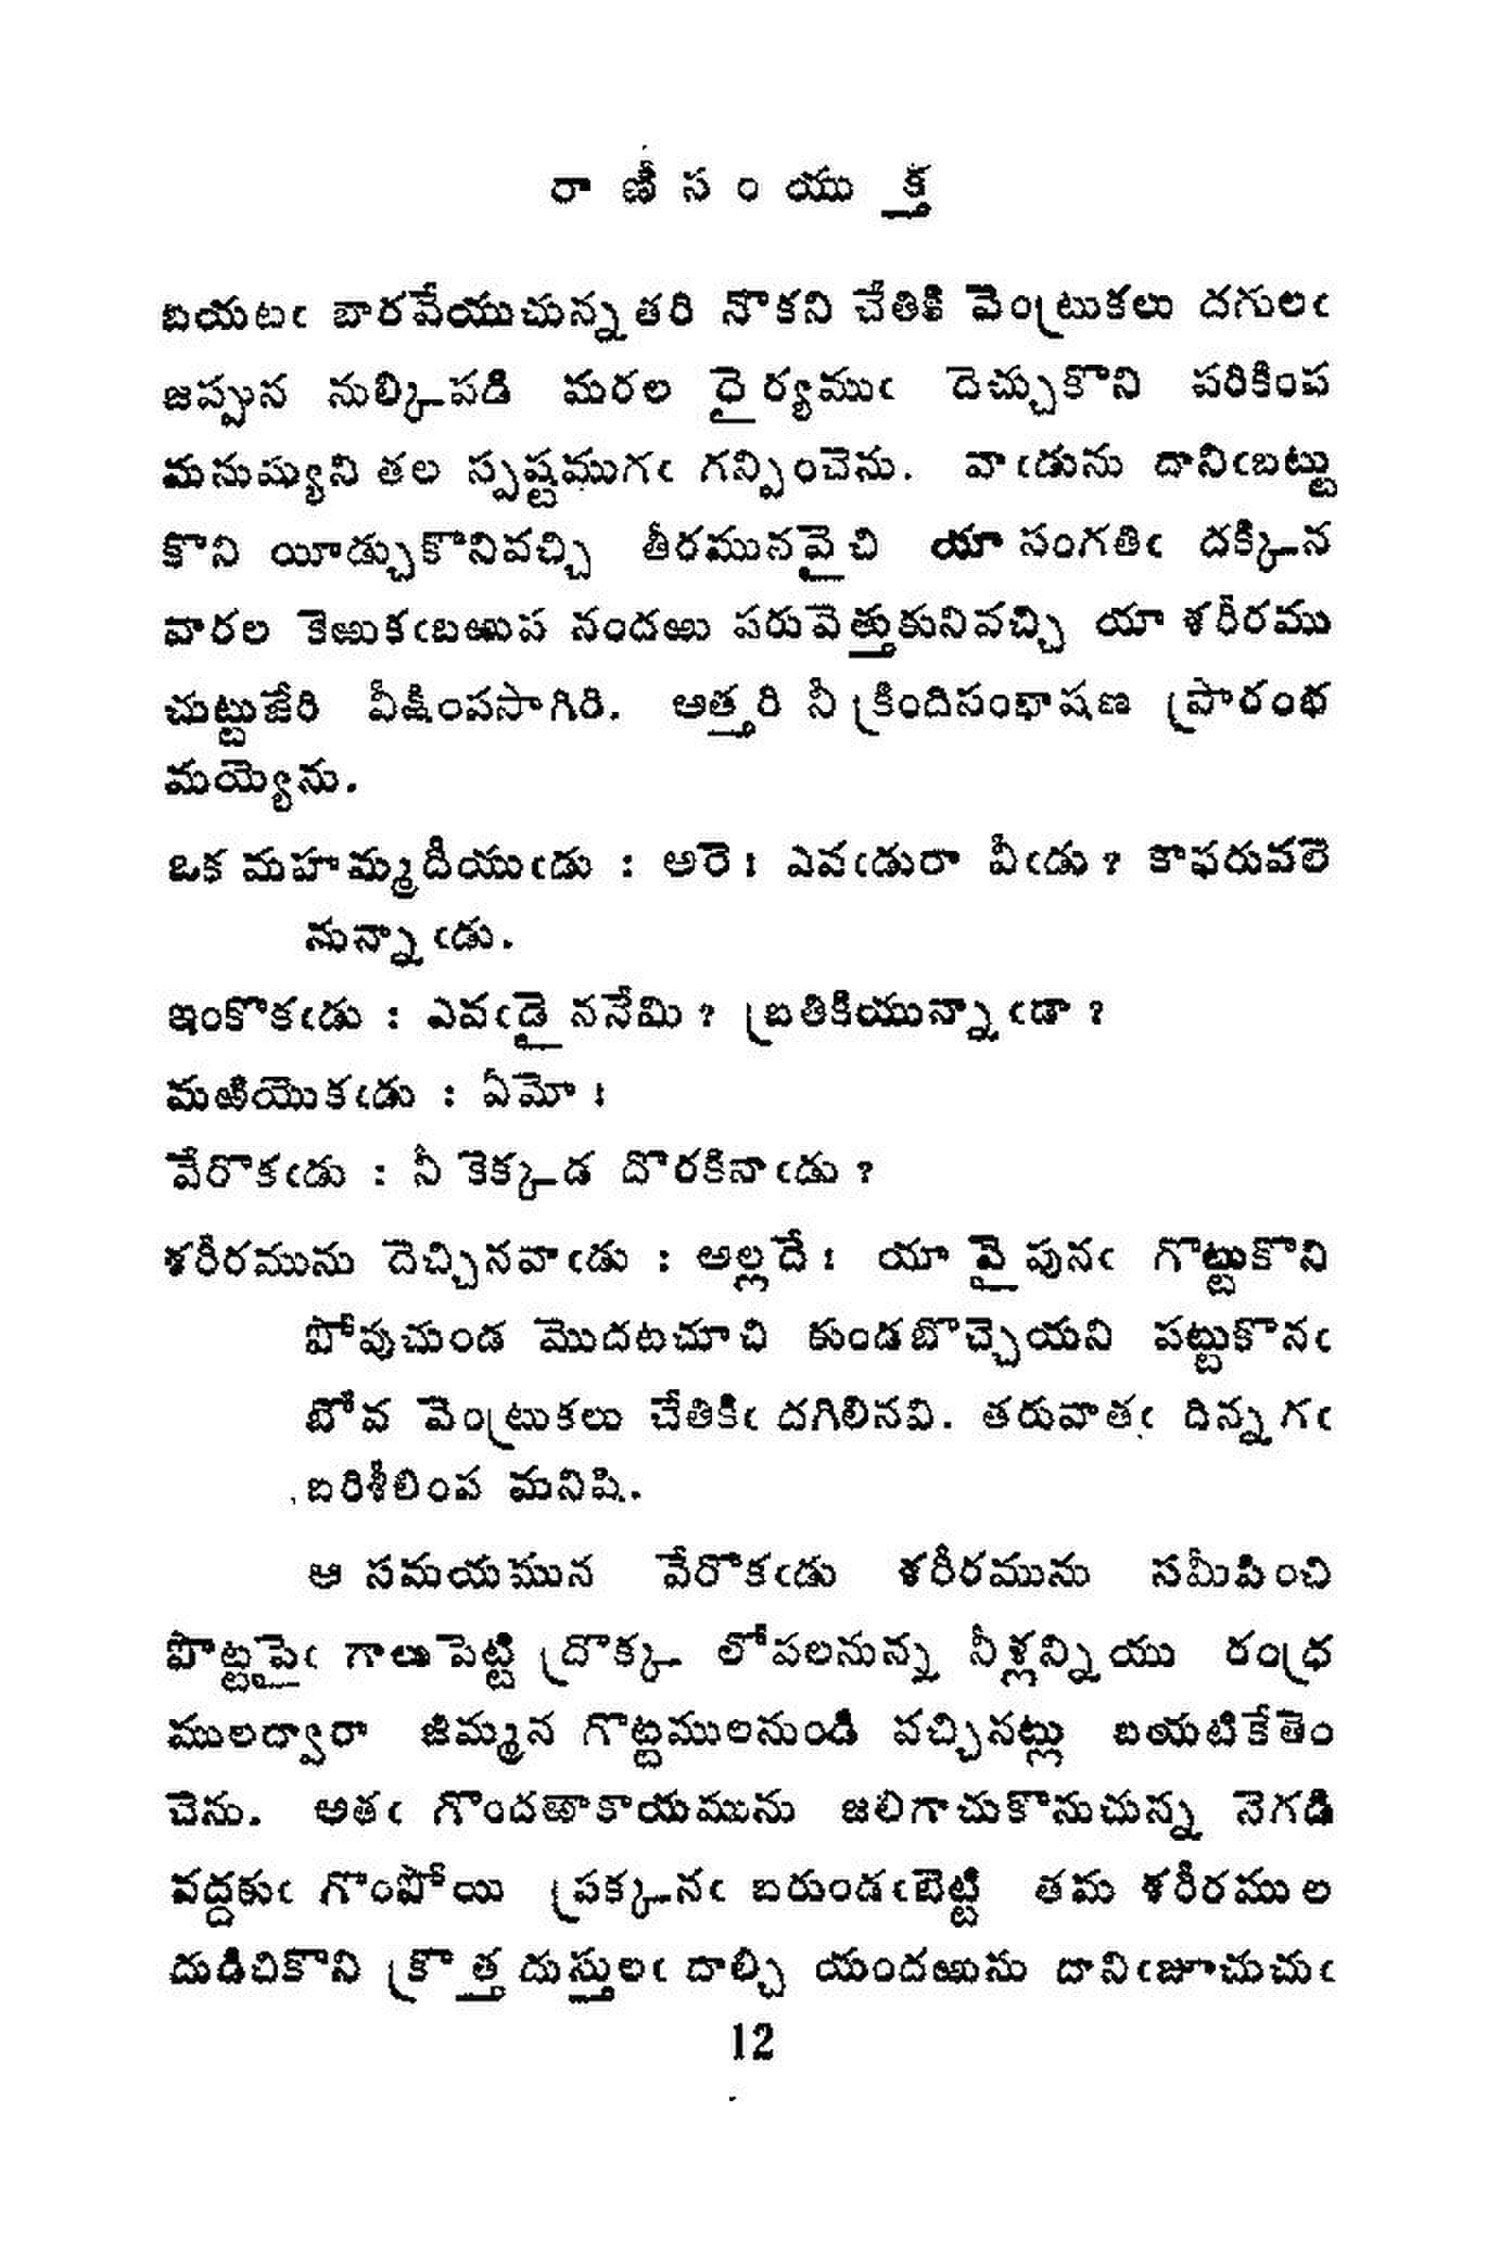బయటఁ బారవేయుచున్న తరి నొకని చేతికి వెంట్రుకలు దగులఁ జప్పున నుల్కిపడి మరల ధైర్యముఁ దెచ్చుకొని పరికింప మనుష్యుని తల స్పష్టముగఁ గన్పించెను. వాఁడును దానిఁబట్టుకొని యీడ్చుకొనివచ్చి తీరమునవైచి యాసంగతిఁ దక్కిన వారల కెఱుకఁబఱుప నందఱు పరువెత్తుకునివచ్చి యా శరీరము చుట్టుజేరి వీక్షింపసాగిరి. అత్తరి నీ క్రిందిసంభాషణ ప్రారంభమయ్యెను. 

ఒక మహమ్మదీయుఁడు : అరె! ఎవఁడురా వీఁడు ? కాఫరువలె నున్నాడు. 

ఇంకొకఁడు : ఎవఁడైననేమి ? బ్రతికియున్నాఁడా? 

మఱియొకఁడు : ఏమో ! 

వేరొకఁడు : నీ కెక్కడ దొరకినాఁడు? 

శరీరమును దెచ్చినవాఁడు : అల్లదే! యా వైపునఁ గొట్టుకొని పోవుచుండ మొదటచూచి కుండబొచ్చెయని పట్టుకొనఁబోవ వెంట్రుకలు చేతికిఁ దగిలినవి. తరువాత దిన్నగఁ , బరిశీలింప మనిషి.

ఆ సమయమున వేరొకఁడు శరీరమును సమీపించి పొట్ట పైఁ గాలుపెట్టి ద్రొక్క లోపలనున్న నీళ్లన్నియు రంధ్రములద్వారా జిమ్మన గొట్టములనుండి వచ్చినట్లు బయటికేతెంచెను. అతఁ గొందఱాకాయమును జలిగాచుకొనుచున్న నెగడి వద్దకుఁ గొంపోయి ప్రక్కనఁ బరుండఁబెట్టి తమ శరీరముల దుడిచికొని క్రొత్త దుస్తులఁ దాల్చి యందఱును దీనిఁజూచుచుఁ